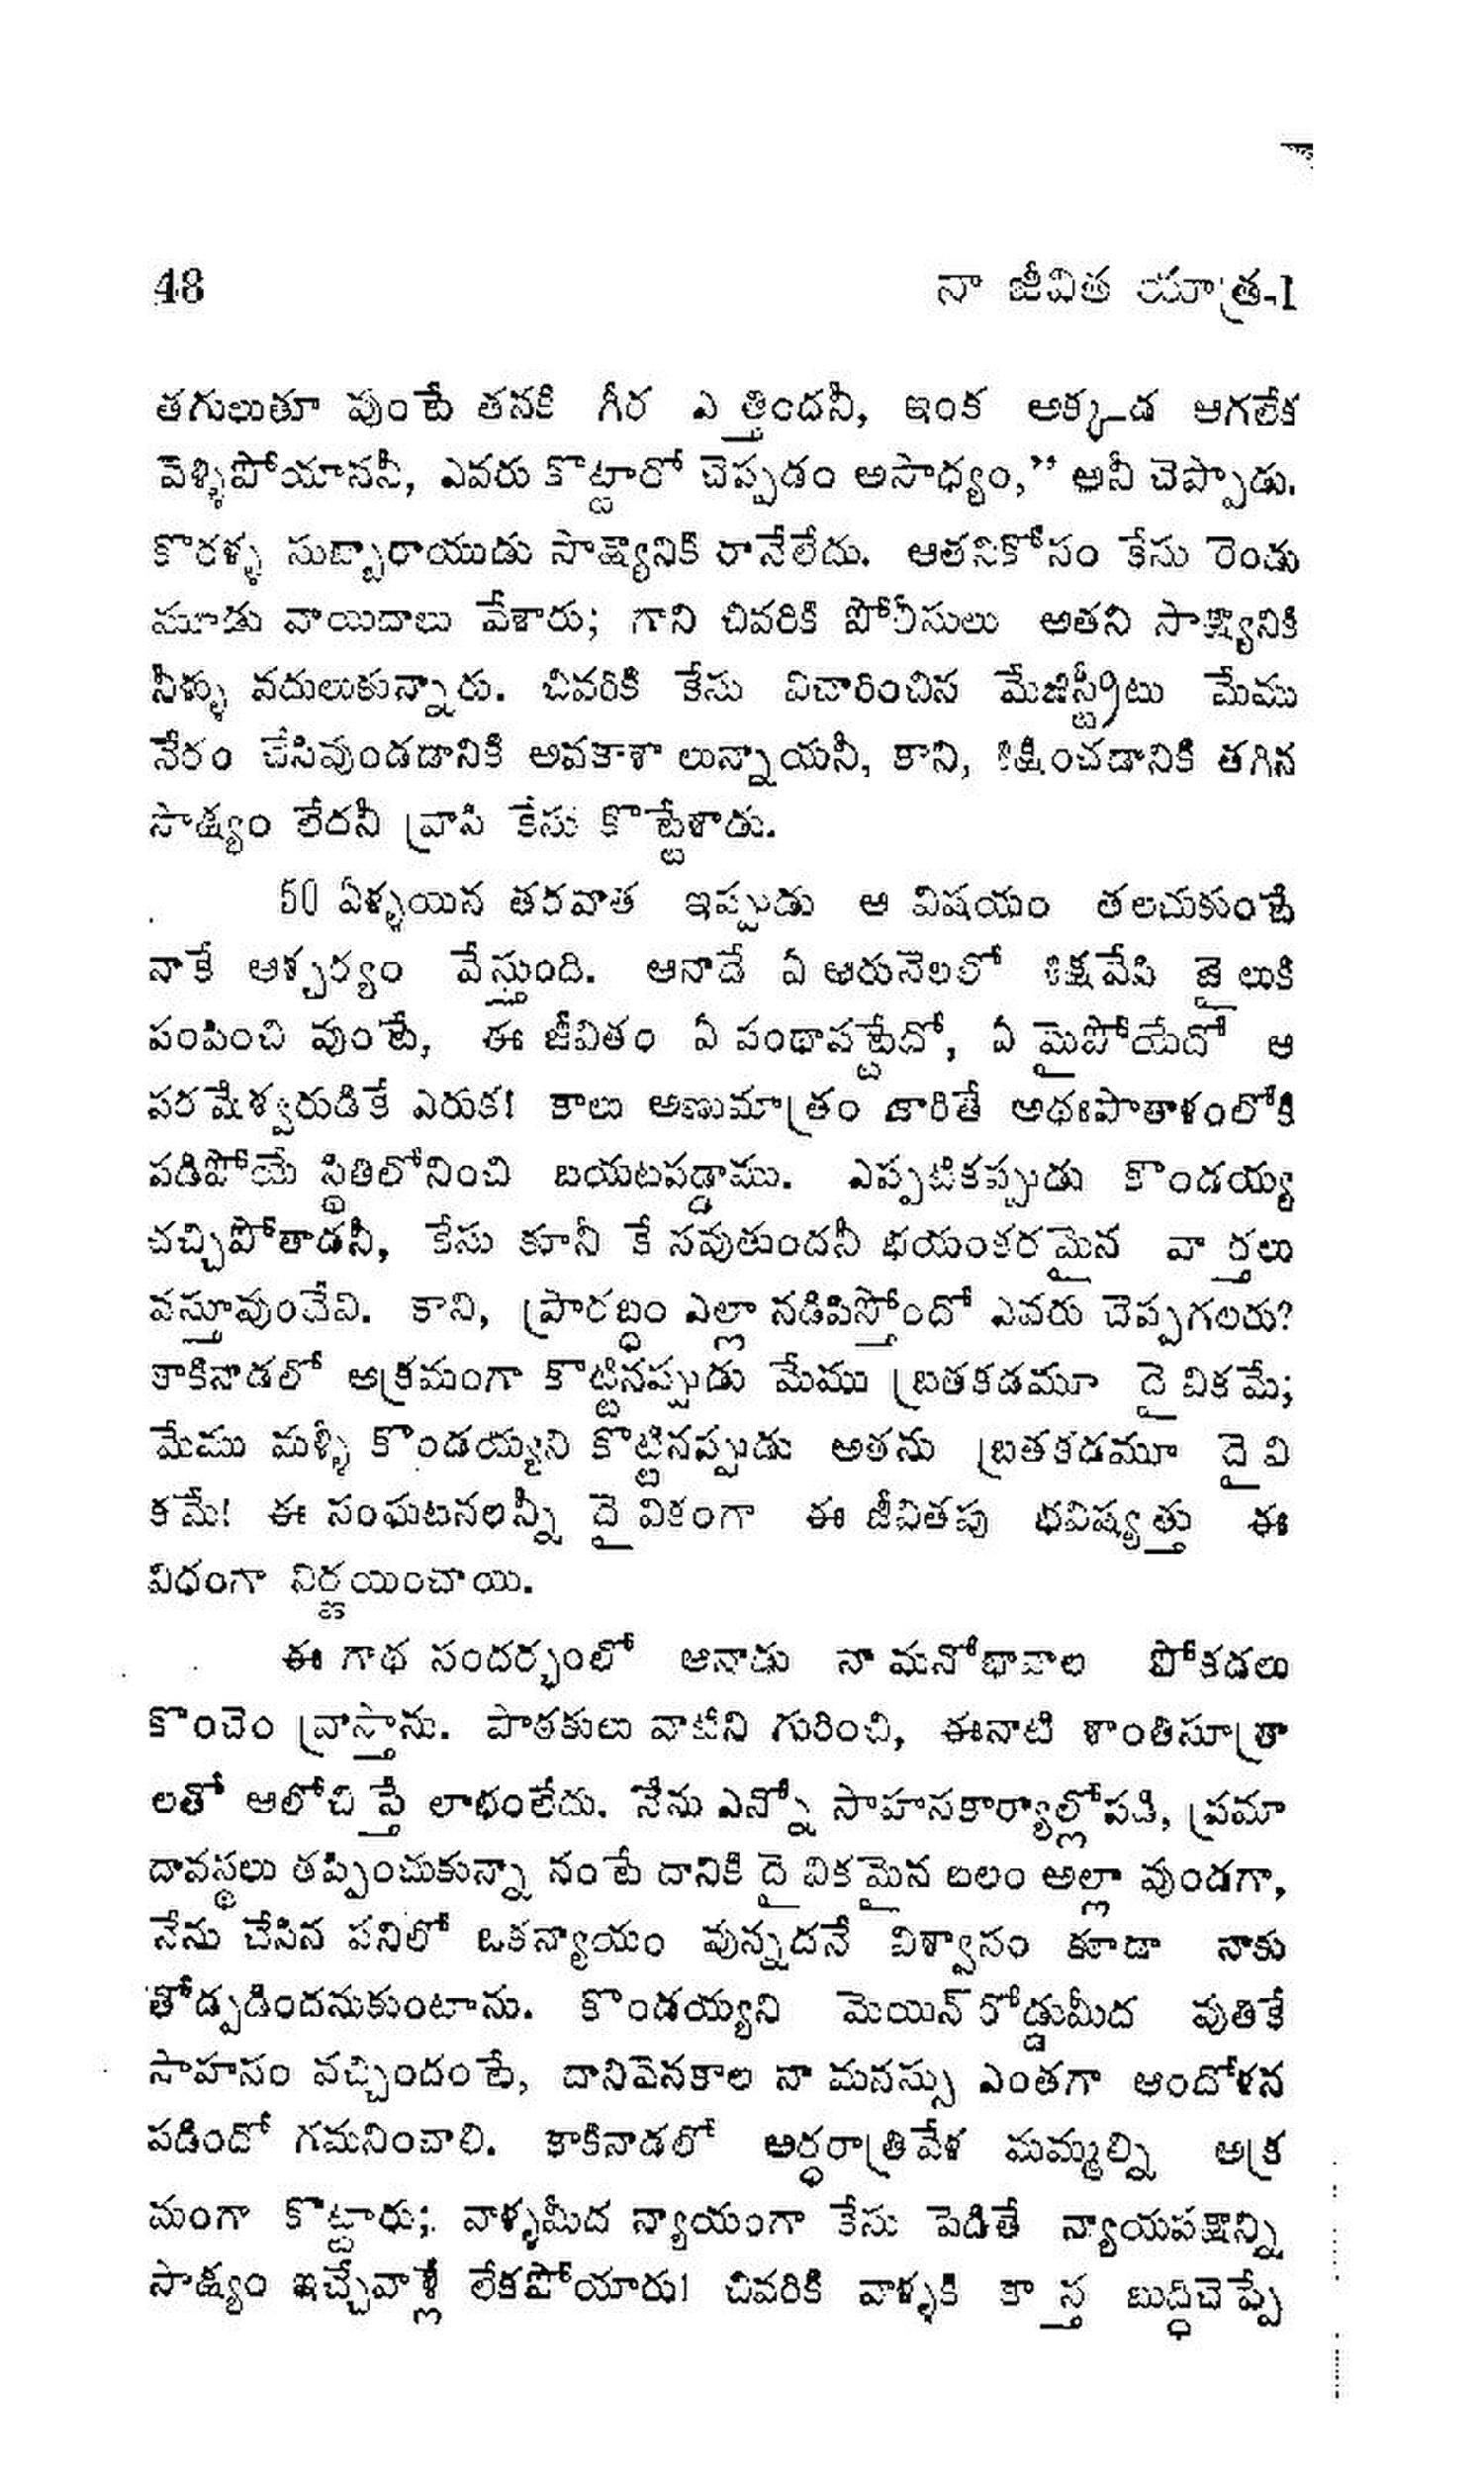తగులుతూ వుంటే తనకి గీర ఎత్తిందనీ, ఇంక అక్కడ ఆగలేక వెళ్ళిపోయాననీ, ఎవరు కొట్టారో చెప్పడం అసాధ్యం," అనీ చెప్పాడు. కొరళ్ళ సుబ్బారాయుడు సాక్ష్యానికి రానేలేదు. అతనికోసం కేసు రెండు మూడు వాయిదాలు వేశారు; గాని చివరికి పోలీసులు అతని సాక్ష్యానికి నీళ్ళు వదులుకున్నారు. చివరికి కేసు విచారించిన మేజిస్ట్రీటు మేము నేరం చేసివుండడానికి అవకాశా లున్నాయనీ, కాని, శిక్షించడానికి తగిన సాక్ష్యం లేదనీ వ్రాసి కేసు కొట్టేశాడు.

50 ఏళ్ళయిన తరవాత ఇప్పుడు ఆ విషయం తలచుకుంటే నాకే ఆశ్చర్యం వేస్తుండి. ఆనాడే ఏ ఆరునెలలో శిక్షవేసి జైలుకి పంపించి వుంటే, ఈ జీవితం ఏ పంథాపట్టేదో, ఏ మైపోయేదో ఆ పరమేశ్వరుడికే ఎరుక! కాలు అణుమాత్రం జారితే అథ:పాతాళంలోకి పడిపోయే స్థితిలోనించి బయటపడ్డాము. ఎప్పటికప్పుడు కొండయ్య చచ్చిపోతాడనీ, కేసు కూనీ కేసవుతుందనీ భయంకరమైన వార్తలు వస్తూవుండేవి. కాని, ప్రారబ్ధం ఎల్లా నడిపిస్తోందో ఎవరు చెప్పగలరు? కాకినాడలో అక్రమంగా కొట్టినప్పుడు మేము బ్రతకడమూ దైవికమే; మేము మళ్ళీ కొండయ్యని కొట్టినప్పుడు అతను బ్రతకడమూ దైవికమే! ఈ సంఘటనలన్నీ దైవికంగా ఈ జీవితపు భవిష్యత్తు ఈ విధంగా నిర్ణయించాయి.

ఈ గాథ సందర్భంలో ఆనాడు నా మనోభావాల పోకడలు కొంచెం వ్రాస్తాను. పాఠకులు వాటిని గురించి, ఈనాటి శాంతిసూత్రాలతో ఆలోచిస్తే లాభంలేదు. నేను ఎన్నో సాహసకార్యాల్లోపడి, ప్రమాదావస్థలు తప్పించుకున్నా నంటే దానికి దైవికమైన బలం అల్లా వుండగా, నేను చేసిన పనిలో ఒకన్యాయం వున్నదనే విశ్వాసం కూడా నాకు తోడ్పడిందనుకుంటాను. కొండయ్యని మెయిన్‌రోడ్డుమీద వుతికే సాహసం వచ్చిందంటే, దానివెనకాల నా మనస్సు ఎంతగా ఆందోళన పడిందో గమనించాలి. కాకినాడలో అర్ధరాత్రివేళ మమ్మల్ని అక్రమంగా కొట్టారు; వాళ్ళమీద న్యాయంగా కేసు పెడితే న్యాయపక్షాన్ని సాక్ష్యం ఇచ్చేవాళ్లే లేకపోయారు! చివరికి వాళ్ళకి కాస్త బుద్ధిచెప్పే